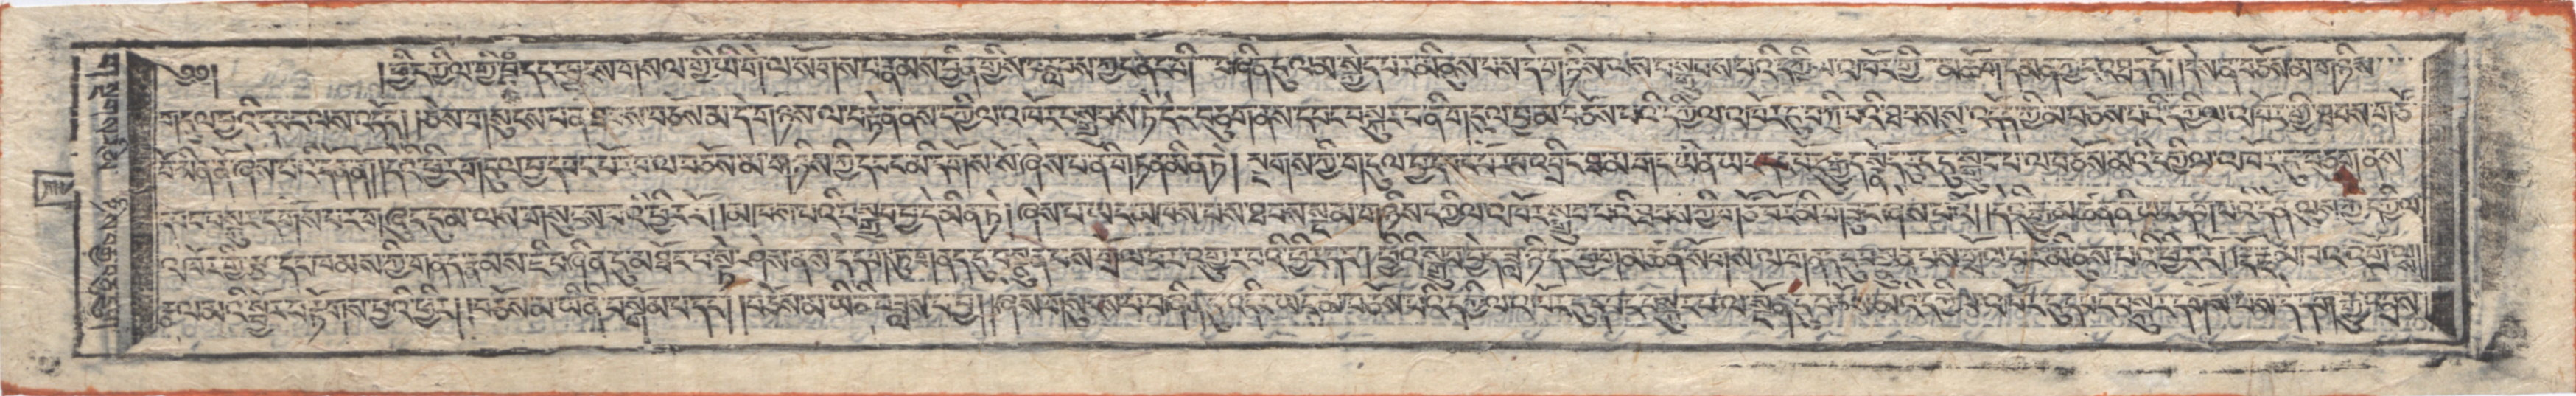༄༅། །ཕྱི་དཀྱིལ་གྱི་བྷྲཱཾ་དང་དབྱངས་གསལ་གྱི་ཡི་གེ་ལ་སོགས་པ་རྣམས་བྱིན་གྱིས་བརླབས་ཀྱང་ནང་གི་བཞིན་དུ་ལམ་སྐྱེད་པར་མི་ནུས་པས་དེ་གཉིས་ལས་བསྒྲུབ་པའི་དཀྱིལ་འཁོར་གྱི་མཆོག་དམན་ཀྱང་འཐད་དོ། །དེས་ན་བཅོས་མ་གཉིས་
གདུལ་བྱའི་དབང་ལས་འདོད། །ཅེས་གསུངས་པ་ནི་ཐབས་བཅོས་མ་དེ་གཉིས་ལ་བརྟེན་ནས་དཀྱིལ་འཁོར་བསྒྲུབས་ཏེ་དེར་བཅུག་ནས་དབང་བསྐུར་བ་ནི་གདུལ་བྱ་མ་བཅོས་པའི་དཀྱིལ་འཁོར་དུ་བཀྲི་བའི་ཐབས་སུ་འདོད་ཀྱི་མ་བཅོས་པའི་དཀྱིལ་འཁོར་གྱི་ཐབས་གཙོ་
བོ་མིན་ནོ་ཞེས་པའི་དོན་ནོ། །དེའི་ཕྱིར་གདུལ་བྱ་དབང་པོ་རབ་ལ་བཅོས་མ་གཉིས་ཀྱི་དབང་མི་དགོས་སོ་ཞེས་པ་ནི་གཏན་མིན་ཏེ། སྔགས་ཀྱི་གདུལ་བྱ་དབང་པོ་རབ་འབྲིང་ཐ་མ་གང་ཡིན་ཡང་དང་པོར་རྒྱུད་སྣོད་རུང་དུ་སྒྲུབ་པ་ལ་བཅོས་མའི་དཀྱིལ་འཁོར་དུ་བཅུག་ནས་
དབང་བསྐུར་དགོས་པར་གཞུང་དུ་མ་ལས་གསུངས་པའི་ཕྱིར་རོ། །མཁས་པའི་བསྒྲུབ་བྱ་དེ་མིན་ཏེ། ཞེས་པ་ཡང་མཁས་པས་ཐབས་སྔ་མ་གཉིས་དཀྱིལ་འཁོར་སྒྲུབ་པའི་ཐབས་ཀྱི་གཙོ་བོར་མི་གཟུང་ཞེས་པའོ། །དེའི་རྒྱུ་མཚན་ནི་ཡང་དག་པའི་དོན་ལུས་ཀྱི་དཀྱིལ་
འཁོར་གྱི་རྩ་དང་ཁམས་ཀྱི་གནད་རྣམས་ཇི་བཞིན་དུ་མཐོང་བ་སྟེ་ཤེས་ནས་དེ་དག་ཏུ་གནད་དུ་བསྣུན་པས་གྲོལ་བར་འགྱུར་བའི་ཕྱིར་དང་། ཕྱིའི་སྒྲུབ་བྱེད་ཟླ་ཉི་དང་ཕྱག་མཚན་སོགས་ལ་གནད་དུ་བསྣུན་པས་གྲོལ་བར་མི་ནུས་པའི་ཕྱིར་རོ། །རྡོ་རྗེ་མཁའ་འགྲོ་ལས།
རྣལ་མའི་སྦྱོར་བ་རྟོགས་བྱའི་ཕྱིར། །བཅོས་མ་ཡི་ནི་བསྒོམ་པ་དང་། །བཅོས་མ་ཡི་ནི་བཟླས་པ་བྱ། །ཞེས་གསུངས་པ་བཞིན་དུ་འདིར་ཡང་མ་བཅོས་པའི་དཀྱིལ་འཁོར་དུ་དབང་བསྐུར་བ་ལ་སྔོན་དུ་བཅོས་མའི་དཀྱིལ་འཁོར་དུ་དབང་བསྐུར་དགོས་པས་དེ་དག་རྒྱུ་འབྲས་